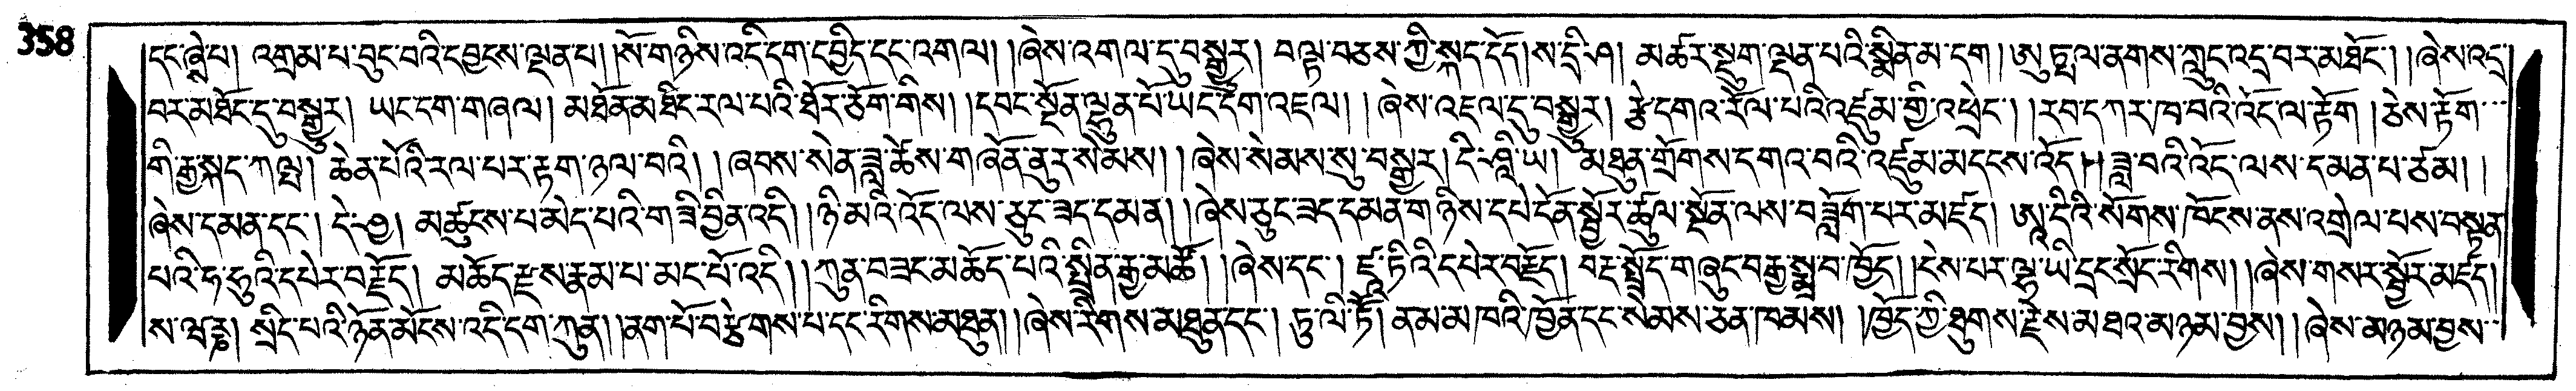དང་ཞེས་པ། འགྲམ་པ་བུང་བའི་དབྱངས་ལྡན་པ། །སོ་གཉིས་འདི་དག་དབྱིད་དང་འགལ། །ཞེས་འགལ་དུ་བསྒྱུར། བལྟ་བཅས་ཀྱི་སྐད་དོད། ས་དྲི་ཤ། མཚར་སྡུག་ལྡན་པའི་སྨིན་མ་དག་ཨུཏྤ་ལ་ནགས་ཀླུང་འདྲ་བར་མཐོང་། །ཞེས་འདྲ་
བར་མཐོང་དུ་བསྒྱུར། ཡང་དག་གཞལ། མཐོན་མཐིང་རལ་པའི་ཐོར་ཅོག་གིས། །དབང་སྔོན་ལྷུན་པོ་ཡང་དག་འཇལ། །ཞེས་འཇལ་དུ་བསྒྱུར། རྩེ་དགའ་རོལ་པའི་འཛུམ་གྱི་འཕྲེང་། །རབ་དཀར་ཁ་བའི་འོད་ལ་རྟོག །ཅེས་རྟོག་
གི་རྒྱ་སྐད་ཀལྤ། ཆེན་པོའི་རལ་པར་རྟག་ཉལ་བའི། །ཞབས་སེན་ཟླ་ཚེས་གཞོན་ནུར་སེམས། །ཞེས་སེམས་སུ་བསྒྱར། དི་ཤཱི་ཡ། མཐུན་གྲོགས་དགའ་བའི་འཛུམ་མདངས་འོད། །ཟླ་བའི་འོད་ལས་དམན་པ་ཙམ། །
ཞེས་དམན་དང་། དེ་ཤྱ། མཚུངས་པ་མེད་པའི་གཟི་བྱིན་འདི། །ཉི་མའི་འོད་ལས་ཅུང་ཟད་དམན། །ཞེས་ཅུང་ཟད་དམན་གཉིས་དཔེ་དོན་སྦྱོར་ཚུལ་སྔོན་ལས་བཟློག་པར་མཛད། ཨཱ་དེའི་སོགས་ཁོངས་ནས་འགྲེལ་པས་བསྟན་
པའི་ཧ་ཧུའི་དཔེར་བརྗོད། མཆོད་རྫས་རྣམ་པ་མང་པོ་འདི། །ཀུན་བཟང་མཆོད་པའི་སྤྲིན་རྒྱ་མཚོ། །ཞེས་དང་། ཛཱ་ཏིའི་དཔེར་བརྗོད། བརྡ་སྤྲོད་གཞུང་བརྒྱ་སྨྲ་བ་ཁྱོད། །ངེས་པར་ལྷ་ཡི་དྲང་སྲོང་རིགས། །ཞེས་གསར་སྦྱོར་མཛད།
ས་ཝརྞ། སྲིད་པའི་ཉོན་མོངས་འདི་དག་ཀུན། །ནག་པོ་བརྩེགས་པ་དང་རིགས་མཐུན། །ཞེས་རིགས་མཐུན་དང་། ཏུ་ལི་ཏཽ། ནམ་མཁའི་ཁྱོན་དང་སེམས་ཅན་ཁམས། །ཁྱོད་ཀྱི་ཐུགས་རྗེས་མཐའ་མཉམ་བྱས། །ཞེས་མཉམ་བྱས་